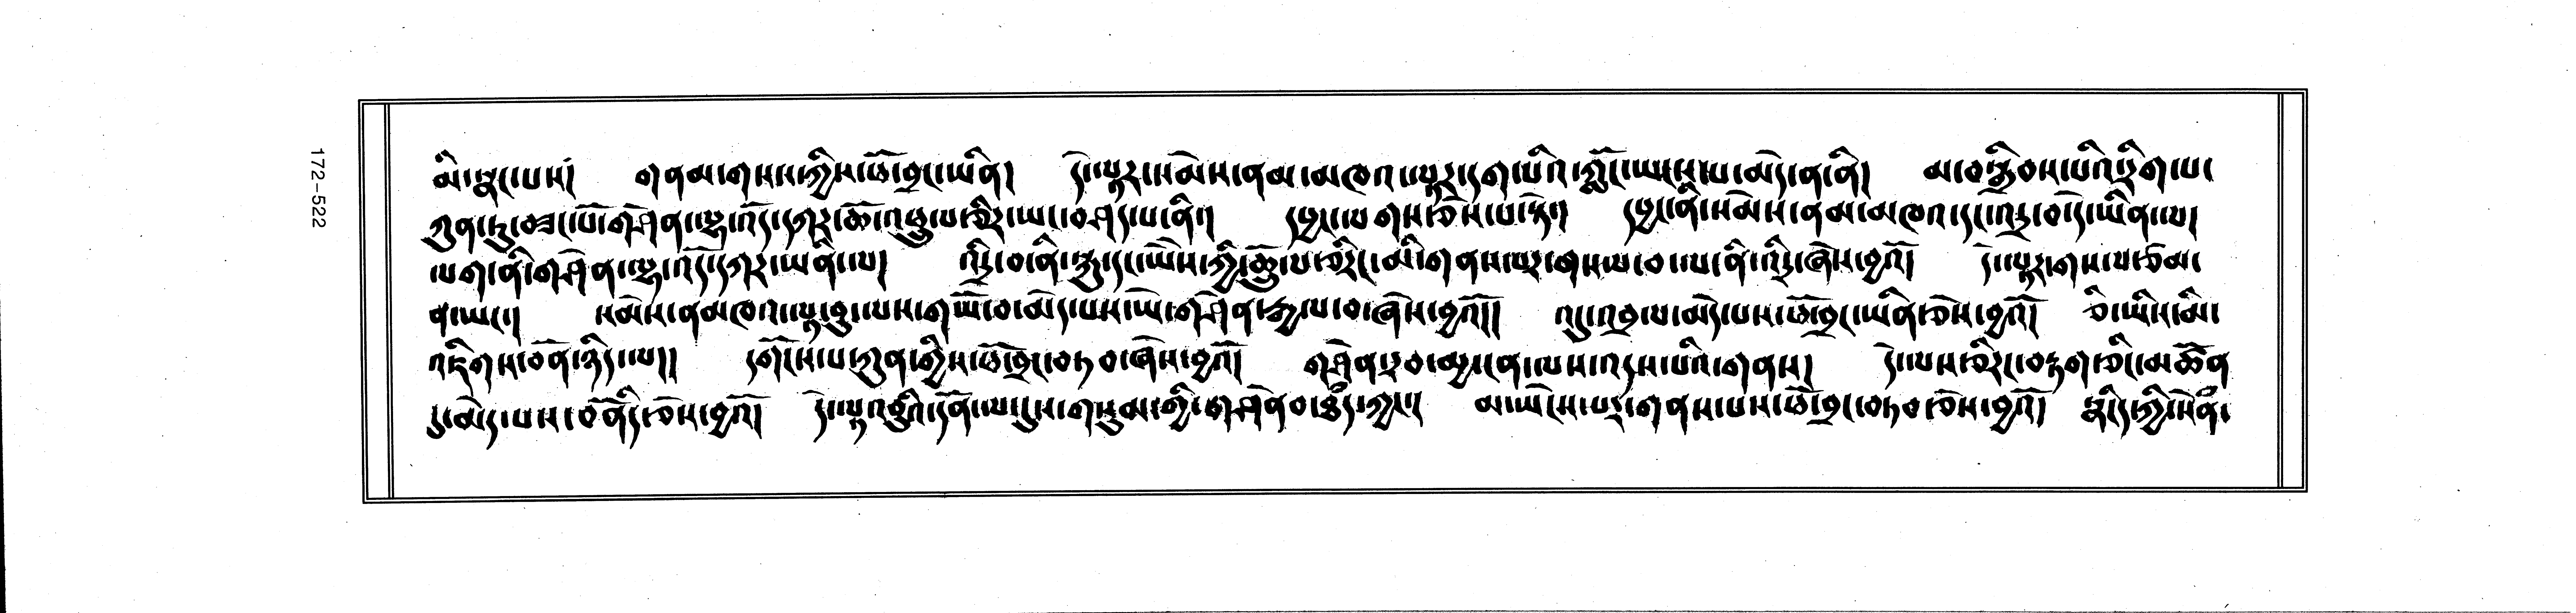མི་སྣང་པས། གནམ་གསས་ཀྱིས་ཕོ་བྲང་ཡིན། དེ་ལྟར་སེམས་ནམ་མཁའ་ལྟར་དག་པའི་ཀློང་ཡོངས་པ་མེད་ན་ནི། མ་བསྒྲིབས་པའི་རིག་པ་
ཀུན་ཏུ་བཟང་པོ་གཤེན་ལྷ་འོད་དཀར་ཆོ་འཕྲུལ་ཅིར་ཡང་བཤད་པ་ནི། དཔྱང་ལགས་ཅེས་པ་སྟེ། དཔྱང་ནི་སེམས་ནམ་མཁའ་དང་འདྲ་བ་དེ་ཡིན་ལ། 
ལག་ནི་གཤེན་ལྷ་འོད་དཀར་ཡིན་ལ། འདྲི་བ་ནི་སྐུ་དང་ཡེ་ཤེས་ཀྱི་ཆོ་འཕྲུལ་ཅིར་ཡང་མི་གནས་པར་གསལ་བ་ལ་ནི་འདྲི་ཞེས་བྱའོ། དེ་ལྟར་གསལ་ཙམ་
ན་ཡང་། སེམས་ནམ་མཁའ་ལྟ་བུ་ལས་གཡོ་བ་མེད་པས་ཡེ་གཤེན་རྒྱལ་བ་ཞེས་བྱའོ། འདུ་འབྲལ་མེད་པས་ཕོ་བྲང་ཡིན་ཅེས་བྱའོ། ཅི་ཡིས་མི་
འཇིགས་བོན་ཉིད་ལ། དགོངས་པ་ཀུན་གྱིས་ཕོ་བྲང་བཏབ་ཞེས་བྱའོ། གཤེན་རབ་མྱ་ངན་ལས་འདས་པའི་གནས། དེ་ལས་ཅིར་ཡང་བརྟག་ཅིང་མཚོན་
དུ་མེད་པས་བོན་ཉིད་ཅེས་བྱའོ། དེ་ལྟ་བུའི་དོན་ལ་དུས་གསུམ་གྱི་གཤེན་རབ་ཐམས་ཅད་ཀྱང་། མ་གཡེངས་པར་གནས་པས་ཕོ་བྲང་བཏབ་ཅེས་བྱའོ། སྣང་སྲིད་ཀྱི་སེམས་ཅན་